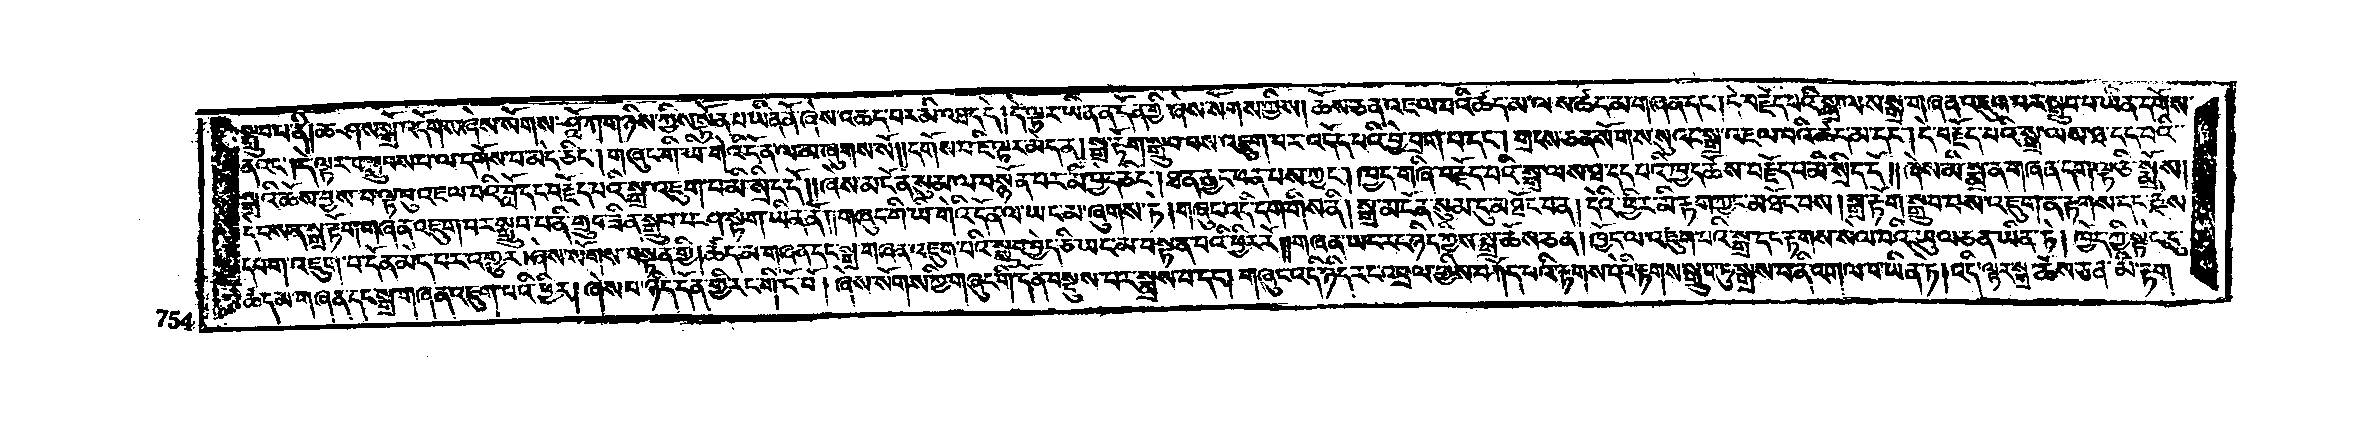སྒྲུབ་པ་ནི། ཆ་ཤས་སྒྲོ་འདོགས་ཞེས་སོགས་ཤོལོ་ཀ་གཉིས་ཀྱིས་སྟོན་པ་ཡིན་ནོ་ཞེས་འཆད་པར་མི་འཐད་དེ། དེ་ལྟར་ཡིན་ན་དོན་གྱི་ཞེས་སོགས་ཀྱིས། ཆོས་ཅན་འཇལ་བའི་ཚད་མ་ལས་ཚད་མ་གཞན་དང་། དེ་བརྗོད་པའི་སྒྲ་ལས་སྒྲ་གཞན་འཇུག་པར་སྒྲུབ་པ་ཡིན་དགོས་
ནའང་། དེ་ལྟར་བཀླུབས་པ་ལ་དགོས་པ་མེད་ཅིང་། གཞུང་གི་ཡི་གེའི་དོན་ལ་མ་ཞུགས་སོ། །དགོས་པ་ཇི་ལྟར་མེད་ན། སྒྲ་རྟོག་སྒྲུབ་པས་འཇུག་པར་འདོད་པའི་བྱེ་བྲག་པ་དང་། གྲངས་ཅན་སོགས་སུའང་སྒྲ་འཇལ་བའི་ཚད་མ་དང་། དེ་བརྗོད་པའི་སྒྲ་ལས་ཐ་དད་བའི་
སྒྲའི་ཆོས་བྱས་པ་ལྟ་བུ་འཇལ་བའི་བློ་དང་བརྗོད་པའི་སྒྲ་འཇུག་པ་མི་སྲིད་དོ། །ཞེས་མངོན་སུམ་ལ་བསྙོན་པར་མི་བྱེད་ཅིང་། ཐ་ན་རྒྱང་ཕན་པས་ཀྱང་། ཁྱད་གཞི་བརྗོད་པའི་སྒྲ་ལས་ཐ་དད་པའི་ཁྱད་ཆོས་བརྗོད་པ་མི་སྲིད་དོ། །ཞེས་མི་སྨྲ་ན་གཞན་དག་ལྟ་ཅི་སྨྲོས།
དེ་བས་ན་སྒྲ་རྟོག་གཞན་འཇུག་པར་སྒྲུབ་པ་ནི་གྲུབ་ཟིན་སྒྲུབ་པ་ཤ་སྟག་ཡིན་ནོ། །གཞུང་གི་ཡི་གེའི་དོན་ལ་ཡང་མ་ཞུགས་ཏེ། གཞུང་འདི་དག་གིས་ནི། སྒྲ་མངོན་སུམ་དུ་མཐོང་བ་ན། དེའི་ཕྱིར་མི་རྟག་ཀྱང་མཐོང་བས། སྒྲ་རྟོག་སྒྲུབ་པས་འཇུག་ན་རྟགས་དང་རྗེས་
དཔག་འཇུག་པ་དོན་མེད་པར་འགྱུར། ཞེས་སོགས་བསྟན་གྱི། ཚད་མ་གཞན་དང་སྒྲ་གཞན་འཇུག་པའི་སྒྲུབ་བྱེད་ཅི་ཡང་མ་བསྟན་པའི་ཕྱིར་རོ། །གཞན་ཡང་རང་ཉིད་ཀྱིས་སྒྲ་ཆོས་ཅན། ཁྱོད་ལ་འཇུག་པའི་སྒྲ་དང་རྟགས་སེལ་བའི་ཡུལ་ཅན་ཡིན་ཏེ། ཁྱོད་ཀྱི་སྟེང་དུ་
ཚད་མ་གཞན་དང་སྒྲ་གཞན་འཇུག་པའི་ཕྱིར། ཞེས་པ་ཉིད་དོན་གྱི་རང་གི་ངོ་བོ། ཞེས་སོགས་ཀྱི་གཞུང་གི་དོན་བསྡུས་པར་སྨྲས་པ་དང་། གཞུང་འདི་ཉིད་རང་འབྲལ་གྱིས་བཀོད་པའི་རྟགས་དེའི་རྟགས་སྒྲུབ་ཏུ་སྒྲས་བ་ནི་འགལ་བ་ཡིན་ཏེ། འདི་ལྟར་སྒྲ་ཆོས་ཅན་མི་རྟག་